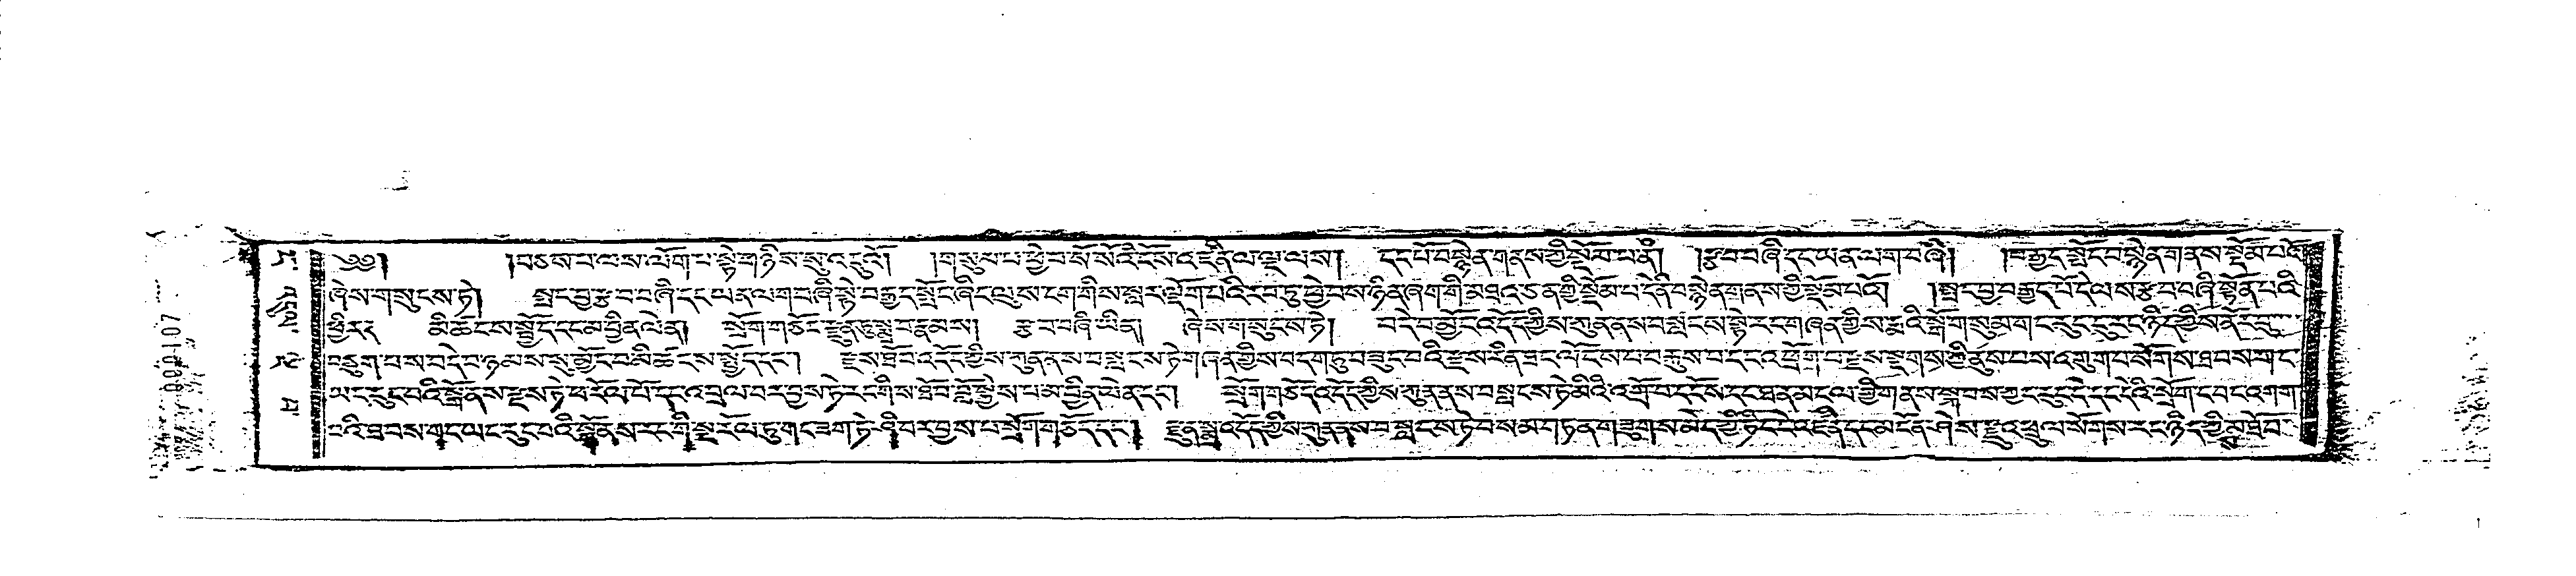༄༅། །བཅས་པ་ལས་ལོག་པ་སྟེ་གཉིས་སུ་འདུའོ། །གསུམ་པ་ཕྱེ་བ་སོ་སོའི་ངོས་འཛིན་ལ་ལྔ་ལས། དང་པོ་བསྙེན་གནས་ཀྱི་སྡོམ་པ་ནི། །རྩ་བ་བཞི་དང་ཡན་ལག་བཞི། །བརྒྱད་སྤོང་བསྙེན་གནས་སྡོམ་པའོ།
ཞེས་གསུངས་ཏེ། སྤང་བྱ་རྩ་བ་བཞི་དང་ཡན་ལག་བཞི་སྟེ་བརྒྱད་སྤོང་ཞིང་ལུས་ངག་གིས་སླར་ལྡོག་པའི་རབ་ཏུ་ཕྱེ་བས་ཉིན་ཞག་གི་མཐའ་ཅན་གྱི་སྡོམ་པ་དེ་ནི་བསྙེན་གནས་ཀྱི་སྡོམ་པའོ། །སྤང་བྱ་བརྒྱད་པོ་དེ་ལས་རྩ་བ་བཞི་སྟོན་པའི་
ཕྱིར༑ མི་ཚངས་སྤྱོད་དང་མ་བྱིན་ལེན། སྲོག་གཅོད་རྫུན་ཏུ་སྨྲ་བ་རྣམས། རྩ་བ་བཞི་ཡིན། ཞེས་གསུངས་ཏེ། བདེ་བ་མྱོང་འདོད་ཀྱིས་ཀུན་ནས་བསླངས་སྟེ་རང་གཞན་གྱིས་རྨའི་སྒོ་གསུམ་གང་རུང་དུ་རང་ཉིད་ཀྱིས་ནོར་བུ་
བཅུག་པས་བདེ་བ་ཉམས་སུ་མྱོང་བ་མི་ཚངས་སྤྱོད་དང་། རྫས་ཐོབ་འདོད་ཀྱིས་ཀུན་ནས་བསླངས་ཏེ་གཞན་གྱིས་བདག་ཏུ་བཟུང་བའི་རྫས་རིན་ཐང་ལོངས་པ་བརྐུས་པ་དང་འཕྲོག་པ་རྫས་སྔགས་ཀྱི་ནུས་པས་འགུག་པ་སོགས་ཐབས་གང་
ཡང་རུང་བའི་སྒོ་ནས་རྫས་ཏེ་ཕ་རོལ་པོ་དང་འབྲལ་བར་བྱས་ཏེ་རང་གིས་ཐོབ་བློ་སྐྱེས་པ་མ་བྱིན་ལེན་དང་། སྲོག་གཅོད་འདོད་ཀྱིས་ཀུན་ནས་བསླངས་ཏེ་མིའི་འགྲོ་བ་དངོས་དང་ཐ་ན་མངལ་གྱི་གནས་སྐབས་ཀྱང་རུང་དེ་དང་དེའི་སྲོག་དབང་འགག་
པའི་ཐབས་གང་ཡང་རུང་བའི་སྒོ་ནས་རང་གི་སྔ་རོལ་ཏུ་གང་ཟག་ཏེ་ཤི་བར་བྱས་པ་སྲོག་གཅོད་དང་། རྫུན་སྨྲ་འདོད་ཀྱིས་ཀུན་ནས་བསླངས་ཏེ་བསམ་གཏན་གཟུགས་མེད་ཀྱི་ཏིང་ངེ་འཛིན་དང་མངོན་ཤེས་རྫུ་འཕྲུལ་སོགས་རང་ཉིད་ཀྱིས་མ་ཐོབ་